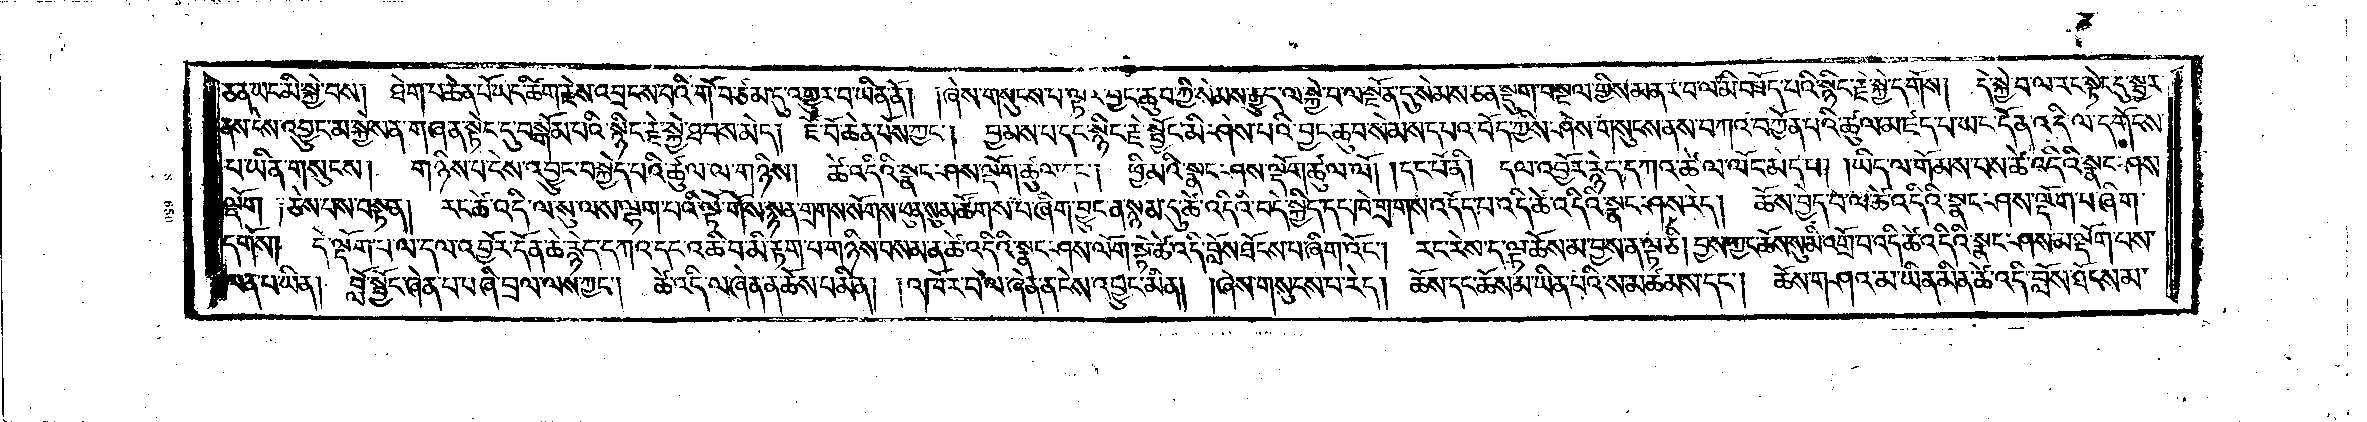ཅན་ཡང་མི་སྐྱེ་བས། ཐེག་པ་ཆེན་པོ་ཡང་ཚིག་རྗེས་འབྲངས་པའི་གོ་བ་ཙམ་དུ་འགྱུར་བ་ཡིན་ནོ། །ཞེས་གསུངས་པ་ལྟར་བྱང་ཆུབ་ཀྱི་སེམས་རྒྱུད་ལ་སྐྱེ་བ་ལ་སྔོན་དུ་སེམས་ཅན་སྡུག་བསྔལ་གྱིས་མནར་བ་ལ་མི་བཟོད་པའི་སྙིང་རྗེ་སྐྱེ་དགོས། དེ་སྐྱེ་བ་ལ་རང་སྟེང་དུ་སྦྱར་
ནས་ངེས་འབྱུང་མ་སྐྱེས་ན་གཞན་སྟེང་དུ་བསྒོམ་པའི་སྙིང་རྗེ་སྐྱེ་ཐབས་མེད། ཇོ་བོ་ཆེན་པོས་ཀྱང་། བྱམས་པ་དང་སྙིང་རྗེ་སྦྱོང་མི་ཤེས་པའི་བྱང་ཆུབ་སེམས་དཔའ་བོད་ཀྱིས་ཤེས་གསུངས་ནས་བཀའ་བཀྱོན་པའི་ཚུལ་མཛད་པ་ཡང་དོན་འདི་ལ་དགོངས་
པ་ཡིན་གསུངས། གཉིས་པ་ངེས་འབྱུང་བསྐྱེད་པའི་ཚུལ་ལ་གཉིས། ཚེ་འདིའི་སྣང་ཤས་ལྡོག་ཚུལ་དང་། ཕྱི་མའི་སྣང་ཤས་ལྡོག་ཚུལ་ལོ། །དང་པོ་ནི། དལ་འབྱོར་རྙེད་དཀའ་ཚེ་ལ་ལོང་མེད་པ། །ཡིད་ལ་གོམས་པས་ཚེ་འདིའི་སྣང་ཤས་
ལྡོག ༑ཅེས་པས་བསྟན། རང་ཚེ་འདི་ལ་སུ་ལས་ལྷག་པའི་ལྟོ་གོས་སྙན་གྲགས་སོགས་ཕུན་སུམ་ཚོགས་པ་ཞིག་བྱུང་ན་སྙམ་དུ་ཚེ་འདིའི་བདེ་སྐྱིད་དང་ཁེ་གྲགས་འདོད་པ་འདི་ཚེ་འདིའི་སྣང་ཤས་རེད། ཆོས་བྱེད་པ་ལ་ཚེ་འདིའི་སྣང་ཤས་ལྡོག་པ་ཞིག་
དགོས། དེ་ལྡོག་པ་ལ་དལ་འབྱོར་དོན་ཆེ་རྙེད་དཀའ་དང་འཆི་བ་མི་རྟག་པ་གཉིས་བསམ་ན་ཚེ་འདིའི་སྣང་ཤས་ལོག་སྟེ་ཚེ་འདི་བློས་ཐོངས་པ་ཞིག་འོང་། རང་རེས་ད་ལྟ་ཆོས་མ་བྱས་ན་ལྟ་ཅི། བྱས་ཀྱང་ཆོས་སུ་མི་འགྲོ་བ་འདི་ཚེ་འདིའི་སྣང་ཤས་མ་ལྡོག་པས་
ལན་པ་ཡིན། བློ་སྦྱོང་ཞེན་པ་བཞི་བྲལ་ལས་ཀྱང་། ཚེ་འདི་ལ་ཞེན་ན་ཆོས་པ་མིན། །འཁོར་བ་ལ་ཞེན་ན་ངེས་འབྱུང་མིན། །ཞེས་གསུངས་པ་རེད། ཆོས་དང་ཆོས་མ་ཡིན་པའི་ས་མཚམས་དང་། ཆོས་གཤའ་མ་ཡིན་མིན་ཚེ་འདི་བློས་ཐོངས་མ་